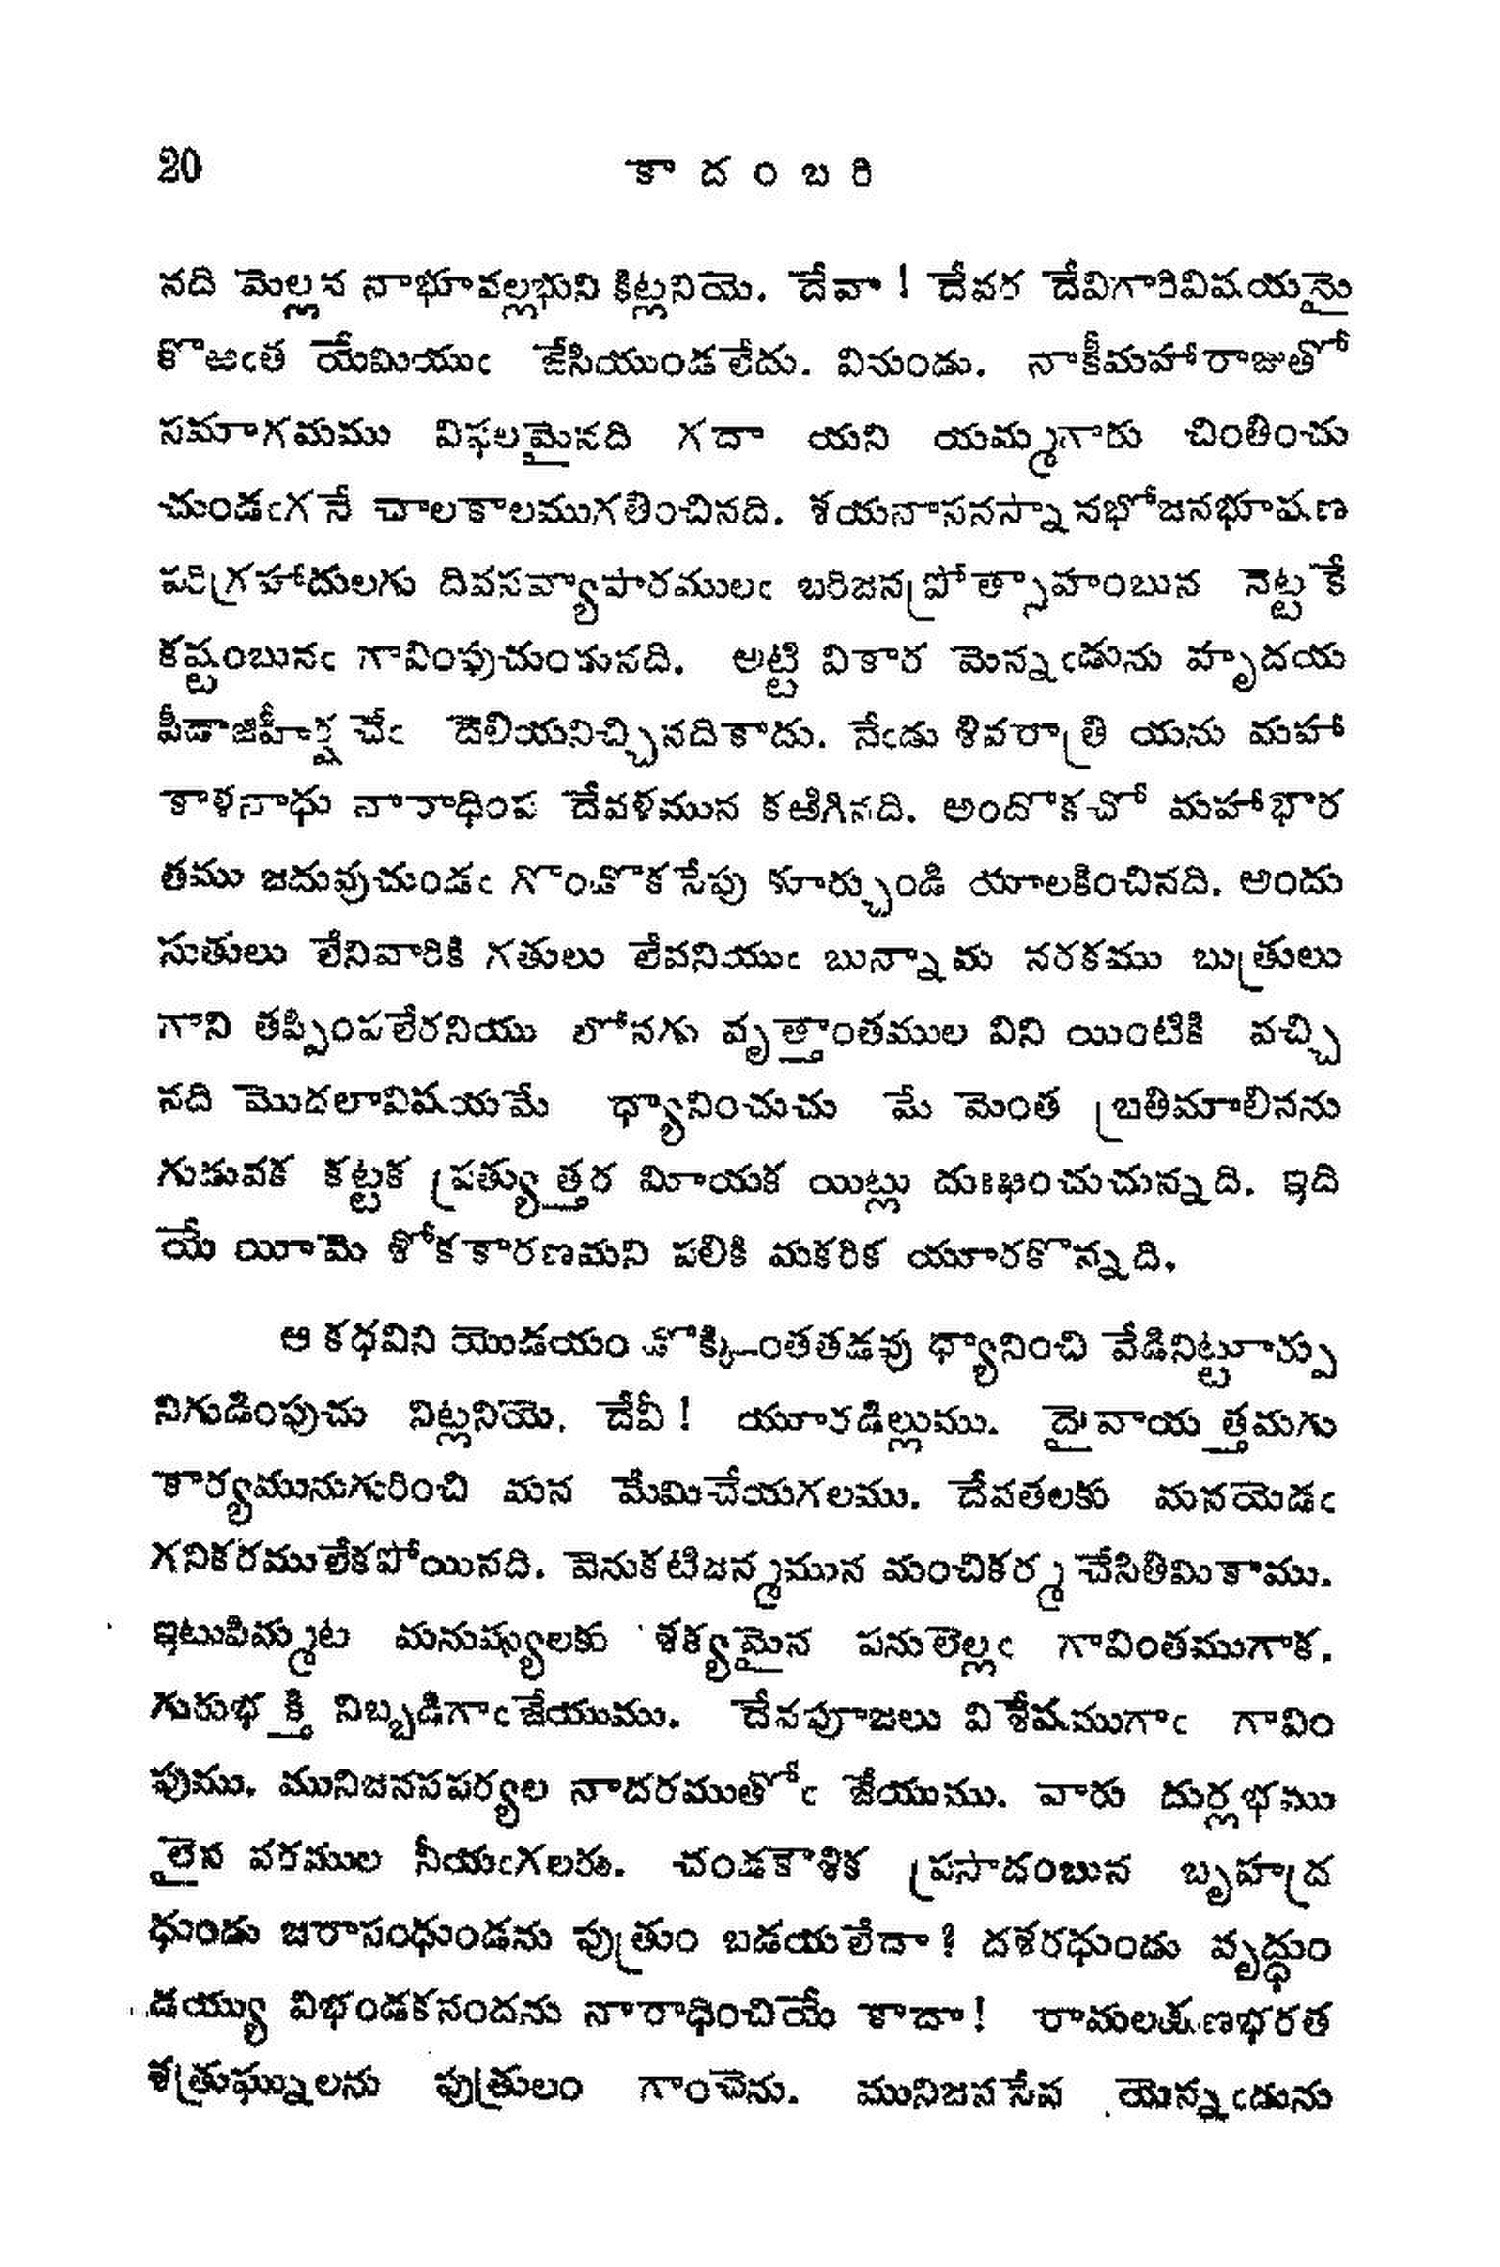నది మెల్లన నాభూవల్లభుని కిట్లనియె. దేవా! దేవర దేవిగారివిషయమై కొఱఁత యేమియుఁ జేసియుండలేదు. వినుండు. నాకీమహారాజుతో సమాగమము విఫలమైనది గదా యని యమ్మగారు చింతించు చుండఁగనే చాలకాలముగగతించినది. శయనాసనస్నానభోజనభూషణ పరిగ్రహాదులగు దివసవ్యాపారములఁ బరిజనప్రోత్సాహంబున నెట్ట కే కష్టంబునఁ గావింపుచుండునది. అట్టి వికార మెన్నఁడును హృదయ పీడాజిహీర్షచేఁ దెలియనిచ్చినదికాదు. నేఁడు శివరాత్రి యను మహాకాళనాధు నారాధింప దేవళమున కఱిగినది. అందొకచో మహాభారతము జదువుచుండఁ గొండొకసేపు కూర్చుండి యాలకించినది. అందు సుతులు లేనివారికి గతులు లేవనియుఁ బున్నామ నరకము బుత్రులు గాని తప్పింపలేరనియు లోనగు వృత్తాంతముల విని యింటికి వచ్చినది మొదలావిషయమే ధ్యానించుచు మే మెంత బ్రతిమాలినను గుడువక కట్టక ప్రత్యుత్తర మీయక యిట్లు దుఃఖించుచున్నది. ఇది యే యీమె శోకకారణమని పలికి మకరిక యూరకొన్నది.

ఆ కథవిని యొడయం డొక్కింతతడవు ధ్యానించి వేడినిట్టూర్పు నిగుడింపుచు నిట్లనియె. దేవీ! యూరడిల్లుము. దైవాయత్తమగు కార్యమునుగురించి మన మేమిచేయగలము. దేవతలకు మనయెడఁ గనికరములేకపోయినది. వెనుకటిజన్మమున మంచికర్మ చేసితిమికాము. ఇటుపిమ్మట మనుష్యులకు శక్యమైన పనులెల్లఁ గావింతముగాక. గురుభక్తి నిబ్బడిగాఁజేయుము. దేవపూజలు విశేషముగాఁ గావింపుము. మునిజనసపర్యల నాదరముతోఁ జేయుము. వారు దుర్లభములైన వరముల నీయఁగలరు. చండకౌశిక ప్రసాదంబున బృహద్రధుండు జరాసంధుండను పుత్రుం బడయలేదా? దశరధుండు వృద్ధుండయ్యు విభండకనందను నారాధాంచియే కాదా! రామలక్ష్మణభరత శత్రుఘ్నులను పుత్రులం గాంచెను. మునిజనసేవ యెన్నఁడును